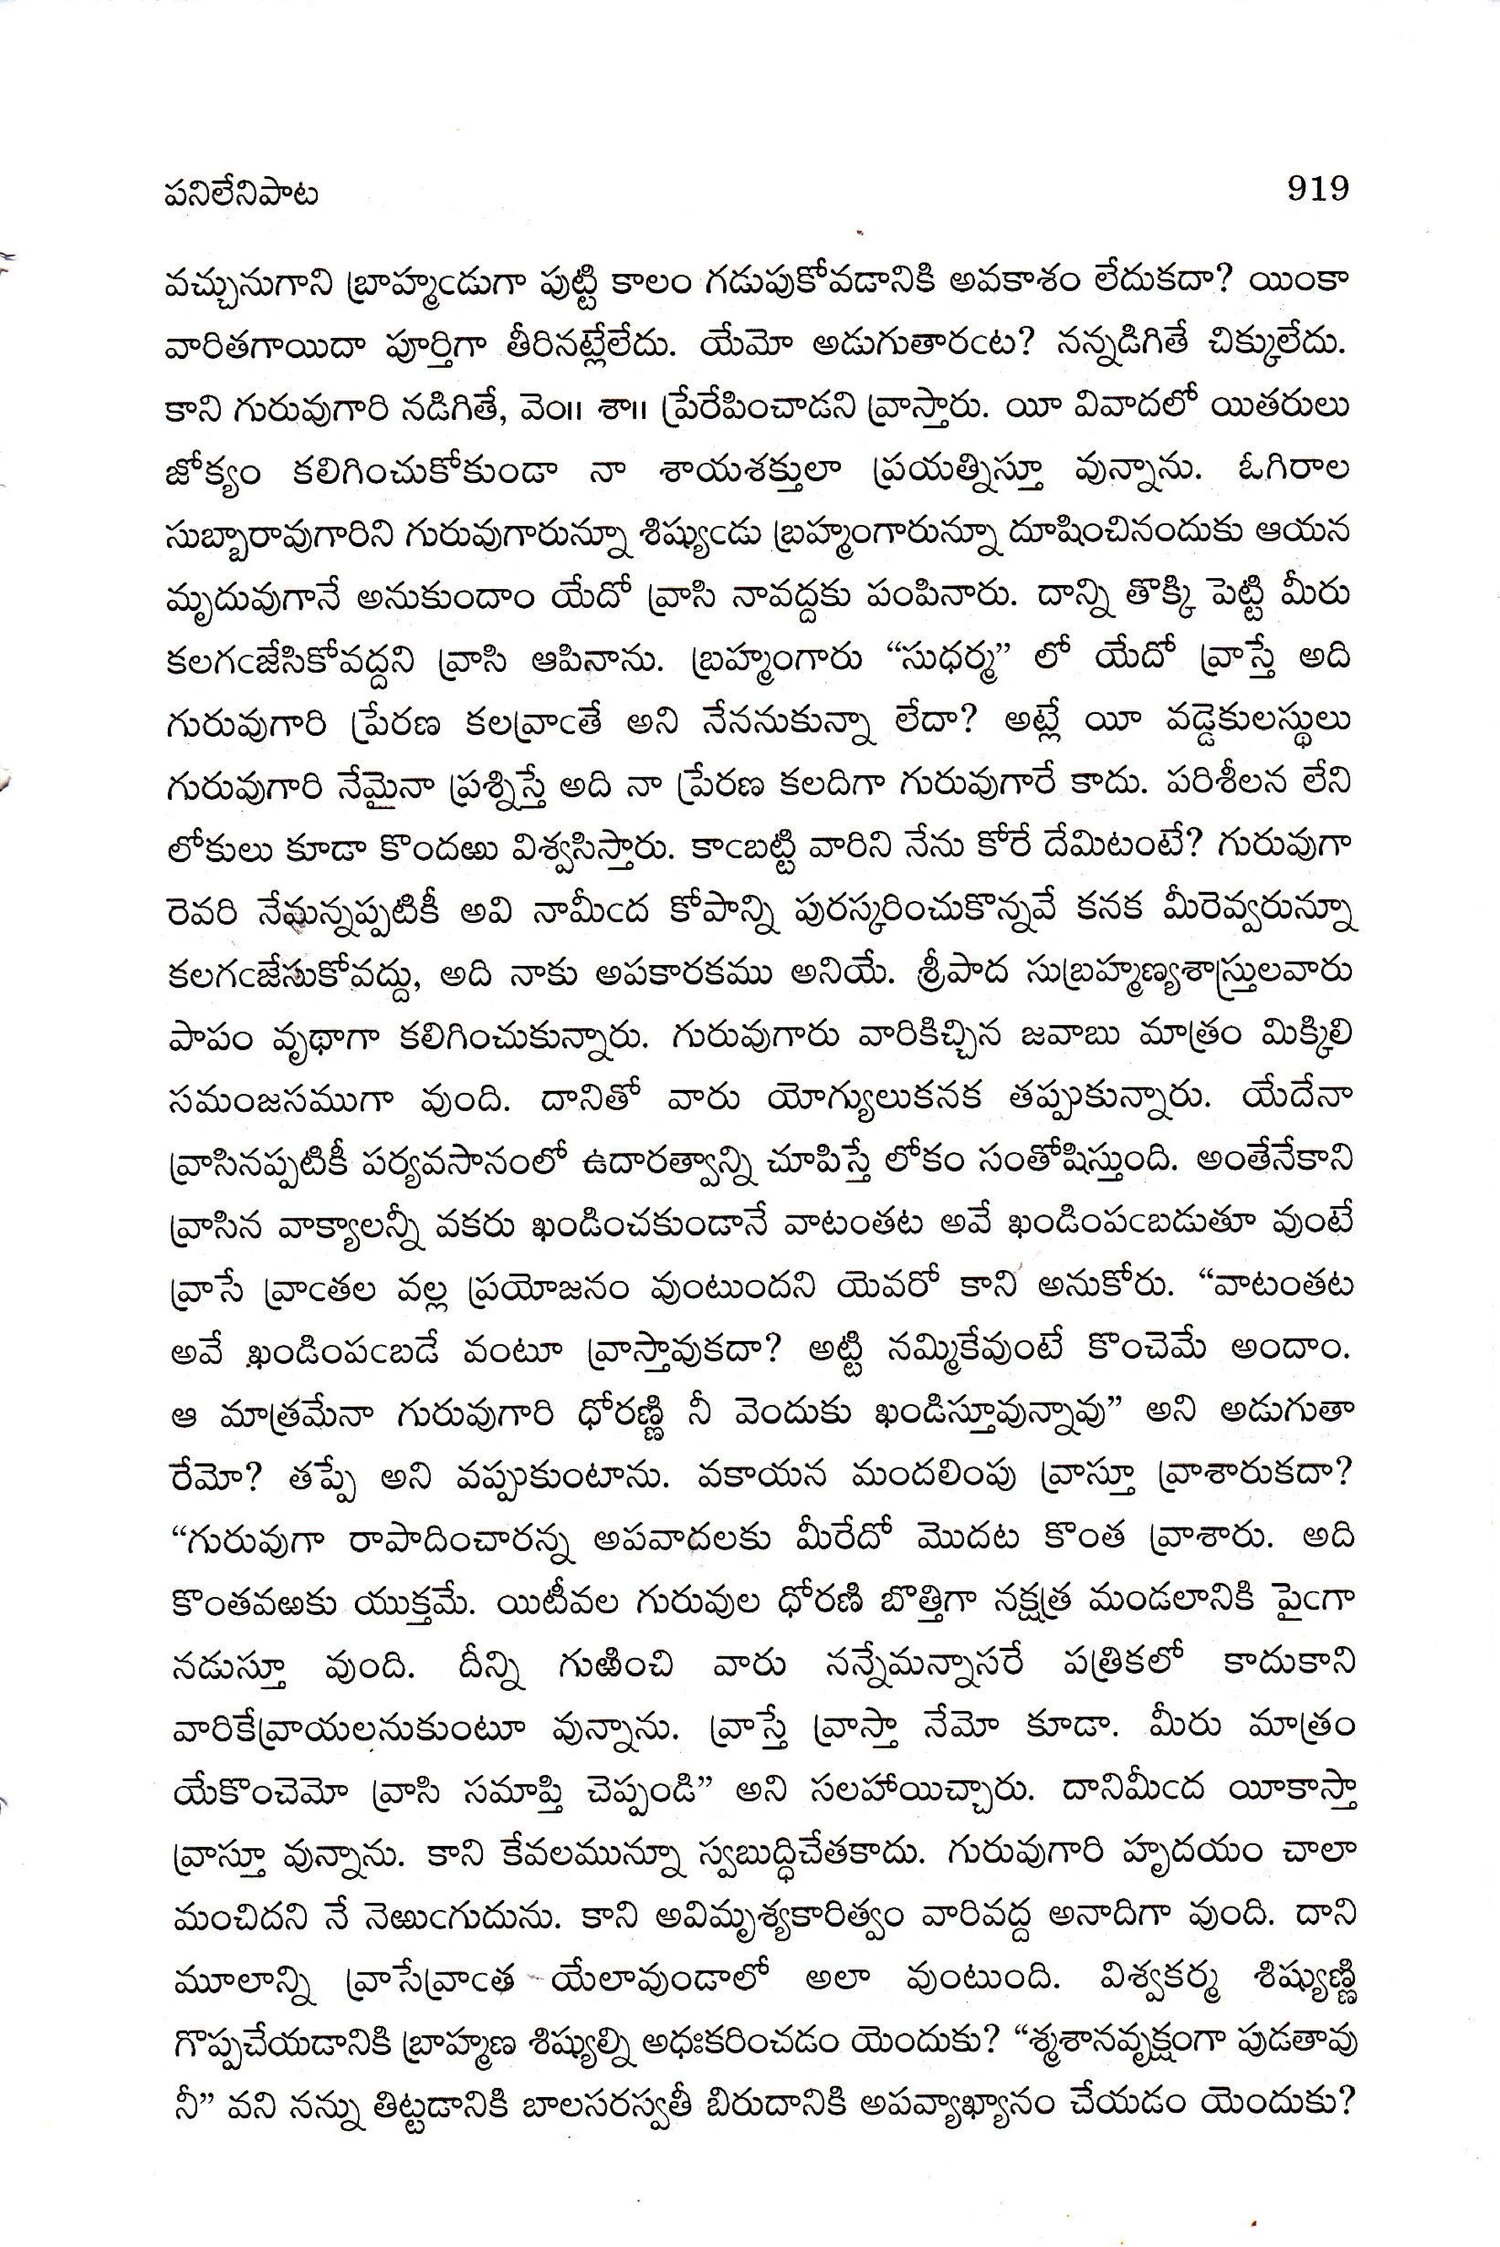వచ్చునుగాని బ్రాహ్మఁడుగా పుట్టి కాలం గడుపుకోవడానికి అవకాశం లేదుకదా? యింకా వారితగాయిదా పూర్తిగా తీరినట్లేలేదు. యేమో అడుగుతారఁట? నన్నడిగితే చిక్కులేదు. కాని గురువుగారి నడిగితే, వెంll శాII ప్రేరేపించాడని వ్రాస్తారు. యీ వివాదలో యితరులు జోక్యం కలిగించుకోకుండా నా శాయశక్తులా ప్రయత్నిస్తూ వున్నాను. ఓగిరాల సుబ్బారావుగారిని గురువుగారున్నూ శిష్యుఁడు బ్రహ్మంగారున్నూ దూషించినందుకు ఆయన మృదువుగానే అనుకుందాం యేదో వ్రాసి నావద్దకు పంపినారు. దాన్ని తొక్కి పెట్టి మీరు కలగజేసికోవద్దని వ్రాసి ఆపినాను. బ్రహ్మంగారు "సుధర్మ" లో యేదో వ్రాస్తే అది గురువుగారి ప్రేరణ కలవ్రాఁతే అని నేననుకున్నా లేదా? అట్లే యీ వడ్డెకులస్థులు గురువుగారి నేమైనా ప్రశ్నిస్తే అది నా ప్రేరణ కలదిగా గురువుగారే కాదు. పరిశీలన లేని లోకులు కూడా కొందఱు విశ్వసిస్తారు. కాఁబట్టి వారిని నేను కోరే దేమిటంటే? గురువుగా రెవరి నేమన్నప్పటికీ అవి నామీఁద కోపాన్ని పురస్కరించుకొన్నవే కనక మీరెవ్వరున్నూ కలగఁజేసుకోవద్దు, అది నాకు అపకారకము అనియే. శ్రీపాద సుబ్రహ్మణ్యశాస్త్రులవారు పాపం వృథాగా కలిగించుకున్నారు. గురువుగారు వారికిచ్చిన జవాబు మాత్రం మిక్కిలి సమంజసముగా వుంది. దానితో వారు యోగ్యులుకనక తప్పుకున్నారు. యేదేనా వ్రాసినప్పటికీ పర్యవసానంలో ఉదారత్వాన్ని చూపిస్తే లోకం సంతోషిస్తుంది. అంతేనేకాని వ్రాసిన వాక్యాలన్నీ వకరు ఖండించకుండానే వాటంతట అవే ఖండింపఁబడుతూ వుంటే వ్రాసే వ్రాఁతల వల్ల ప్రయోజనం వుంటుందని యెవరో కాని అనుకోరు. "వాటంతట అవే ఖండింపఁబడే వంటూ వ్రాస్తావుకదా? అట్టి నమ్మికేవుంటే కొంచెమే అందాం. ఆ మాత్రమేనా గురువుగారి ధోరణ్ణి నీ వెందుకు ఖండిస్తూవున్నావు" అని అడుగుతా రేమో? తప్పే అని వప్పుకుంటాను. వకాయన మందలింపు వ్రాస్తూ వ్రాశారుకదా? “గురువుగా రాపాదించారన్న అపవాదలకు మీరేదో మొదట కొంత వ్రాశారు. అది కొంతవఱకు యుక్తమే. యిటీవల గురువుల ధోరణి బొత్తిగా నక్షత్ర మండలానికి పైఁగా నడుస్తూ వుంది. దీన్ని గుఱించి వారు నన్నేమన్నాసరే పత్రికలో కాదుకాని వారికే వ్రాయలనుకుంటూ వున్నాను. వ్రాస్తే వ్రాస్తా నేమో కూడా. మీరు మాత్రం యేకొంచెమో వ్రాసి సమాప్తి చెప్పండి” అని సలహాయిచ్చారు. దానిమీఁద యీకాస్తా వ్రాస్తూ వున్నాను. కాని కేవలమున్నూ స్వబుద్ధిచేతకాదు. గురువుగారి హృదయం చాలా మంచిదని నే నెఱుఁగుదును. కాని అవిమృశ్యకారిత్వం వారివద్ద అనాదిగా వుంది. దాని మూలాన్ని వ్రాసేవ్రాఁత - యేలావుండాలో అలా వుంటుంది. విశ్వకర్మ శిష్యుణ్ణి గొప్పచేయడానికి బ్రాహ్మణ శిష్యుల్ని అధఃకరించడం యెందుకు? "శ్మశానవృక్షంగా పుడతావు నీ” వని నన్ను తిట్టడానికి బాలసరస్వతీ బిరుదానికి అపవ్యాఖ్యానం చేయడం యెందుకు?